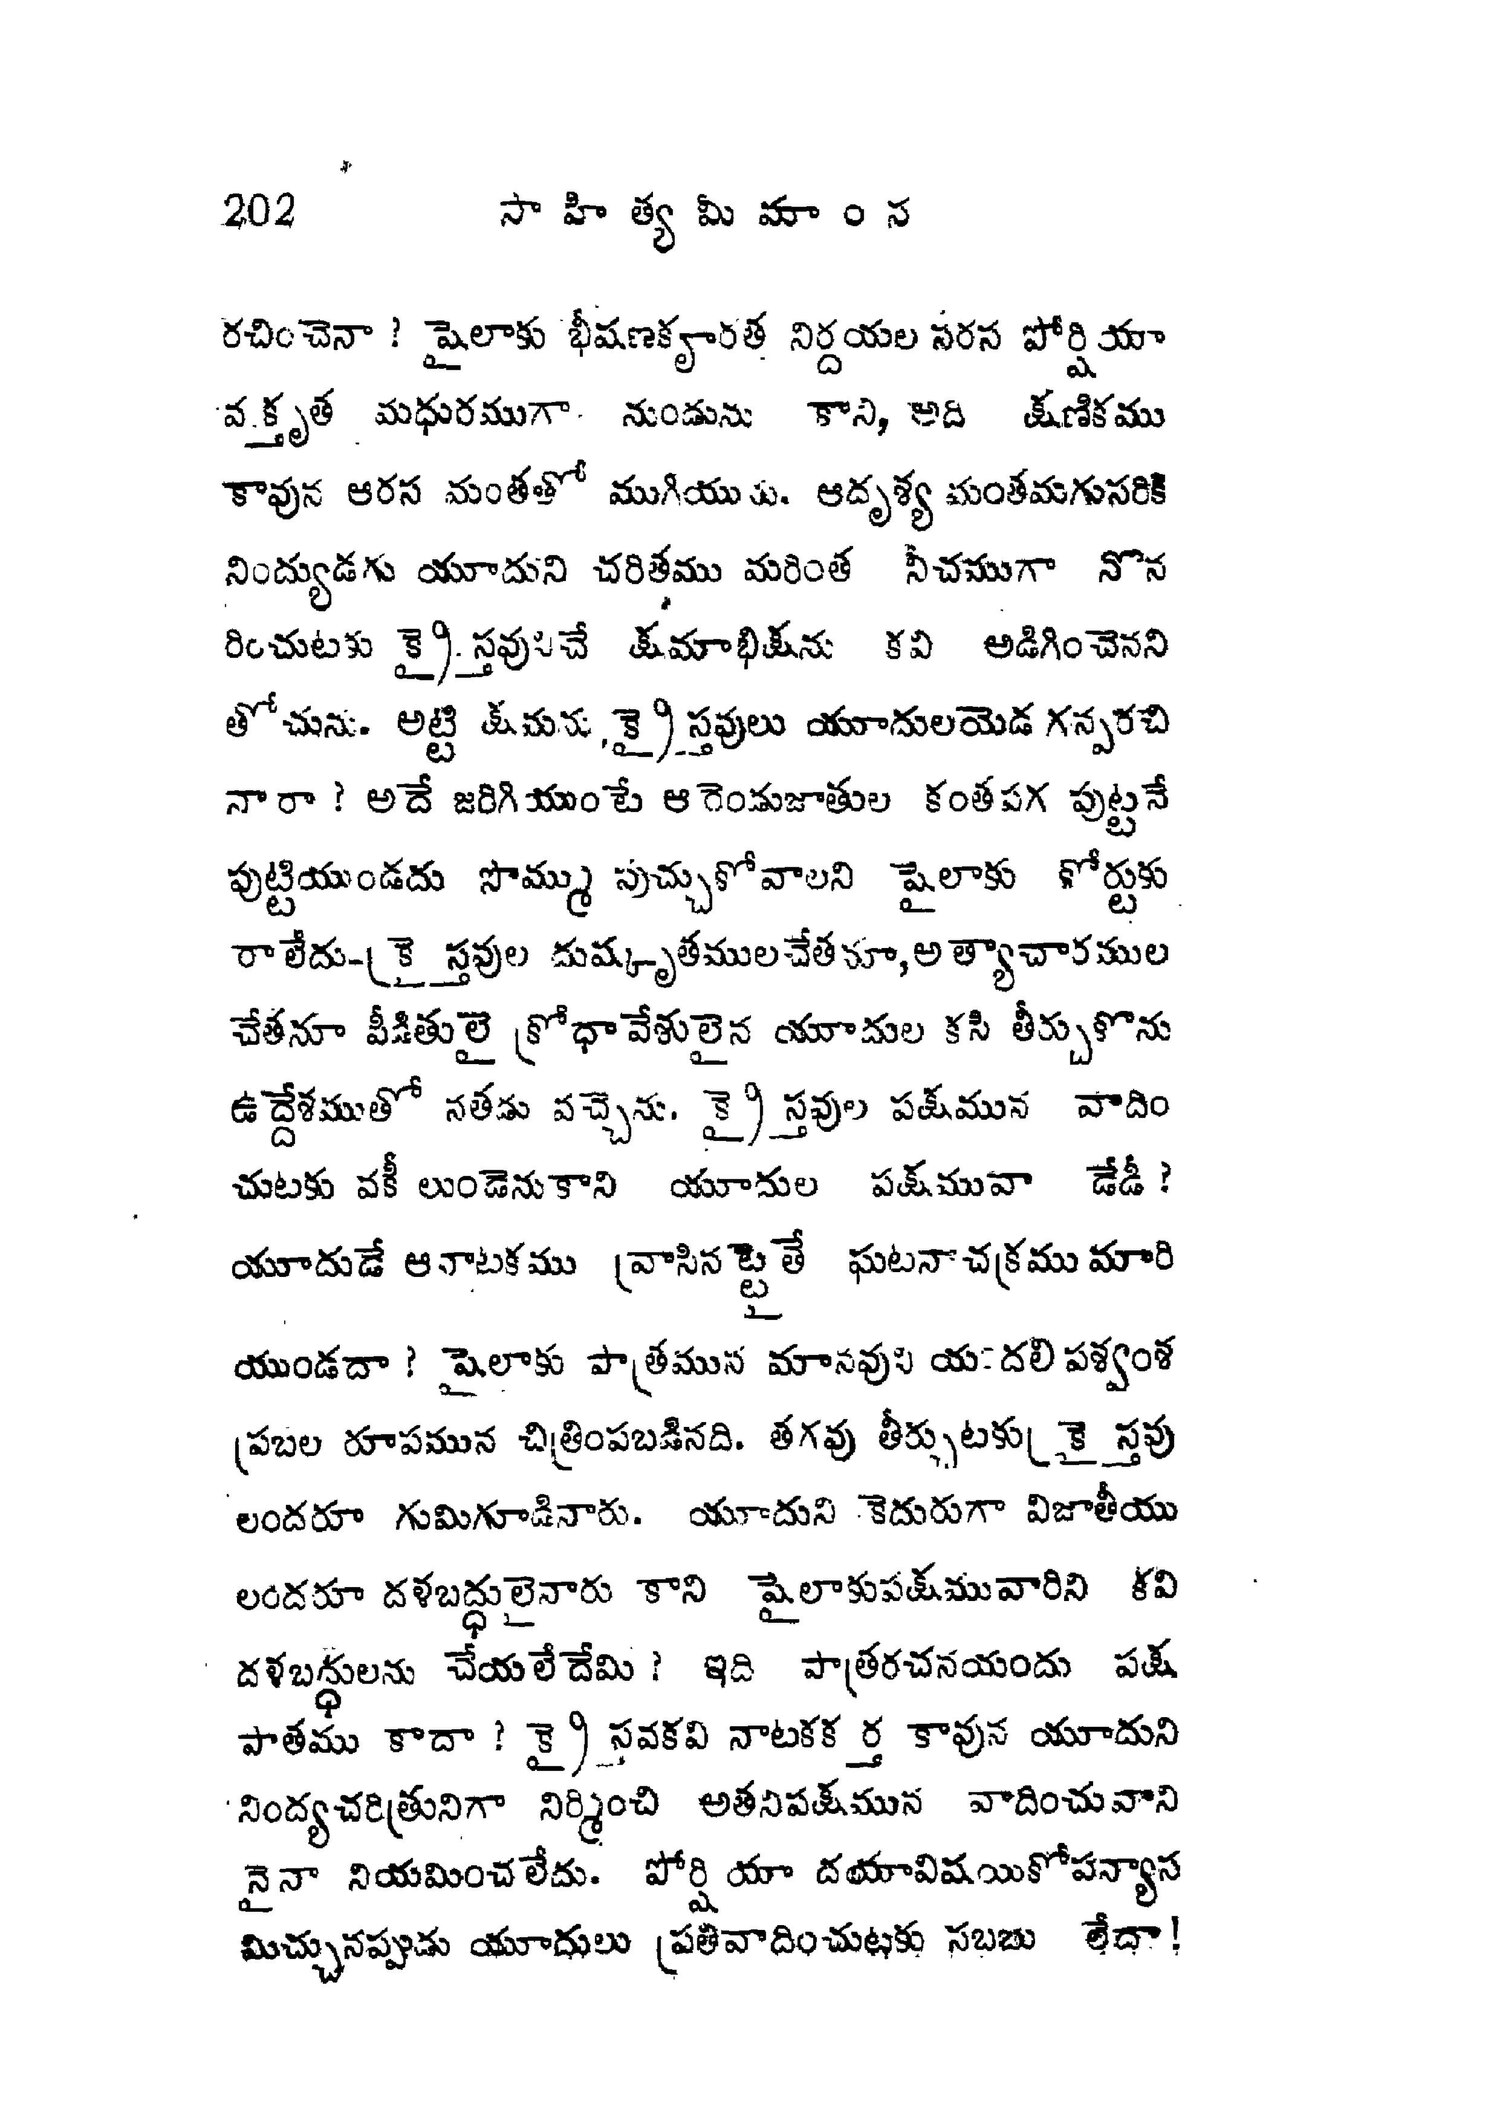రచించెనా ? షైలాకు భీషణకౄరత నిర్దయల సరస పోర్షిఆ వక్తృత మధురముగా నుండును కాని, అది క్షణికము కావున ఆరస మంతతో ముగియును. ఆదృశ్య మంతమగుసరికి నింద్యుడగు యూదుని చరితము మరింత నీచముగా నొనరించుటకు క్రైస్తవునిచే క్షమాభిక్షను కవి అడిగించెనని తోచును. అట్టి క్షమను క్రైస్తవులు యూదులయెడ గన్పరచినారా ? అదే జరిగియుంటే ఆ రెండుజాతుల కంతపగ పుట్టనే పుట్టియుండదు సొమ్ము పుచ్చుకోవాలని షైలాకు కోర్టుకు రాలేదు - క్రైస్తవుల దుష్కృతములచేతనూ, అత్యాచారముల చేతనూ పీడితులై క్రోధావేశులైన యూదుల కసి తీర్చుకొను ఉద్దేశముతో నతడు వచ్చెను. క్రైస్తవుల పక్షమున వాదించుటకు వకీ లుండెనుకాని యూదుల పక్షమువా డేడీ? యూదుడే ఆనాటకము వ్రాసినట్టైతే ఘటనాచక్రము మారి యుండదా ? షైలాకు పాత్రమున మానవుని యందలి పశ్వంశ ప్రబల రూపమున చిత్రింపబడినది. తగవు తీర్చుటకు క్రైస్తవు లందరూ గుమిగూడినారు. యూదుని కెదురుగా విజాతీయు లందరూ దళబద్ధులైనారు కాని షైలాకుపక్షమువారిని కవి దళబద్ధులను చేయలేదేమి? ఇది పాత్రరచనయందు పక్ష పాతము కాదా ? క్రైస్తవకవి నాటకకర్త కావున యూదుని నింద్యచరిత్రునిగా నిర్మించి అతనిపక్షమున వాదించువాని నైనా నియమించలేదు. పోర్షియా దయావిషయికోపన్యాస మిచ్చునప్పుడు యూదులు ప్రతివాదించుటకు సబబు లేదా!